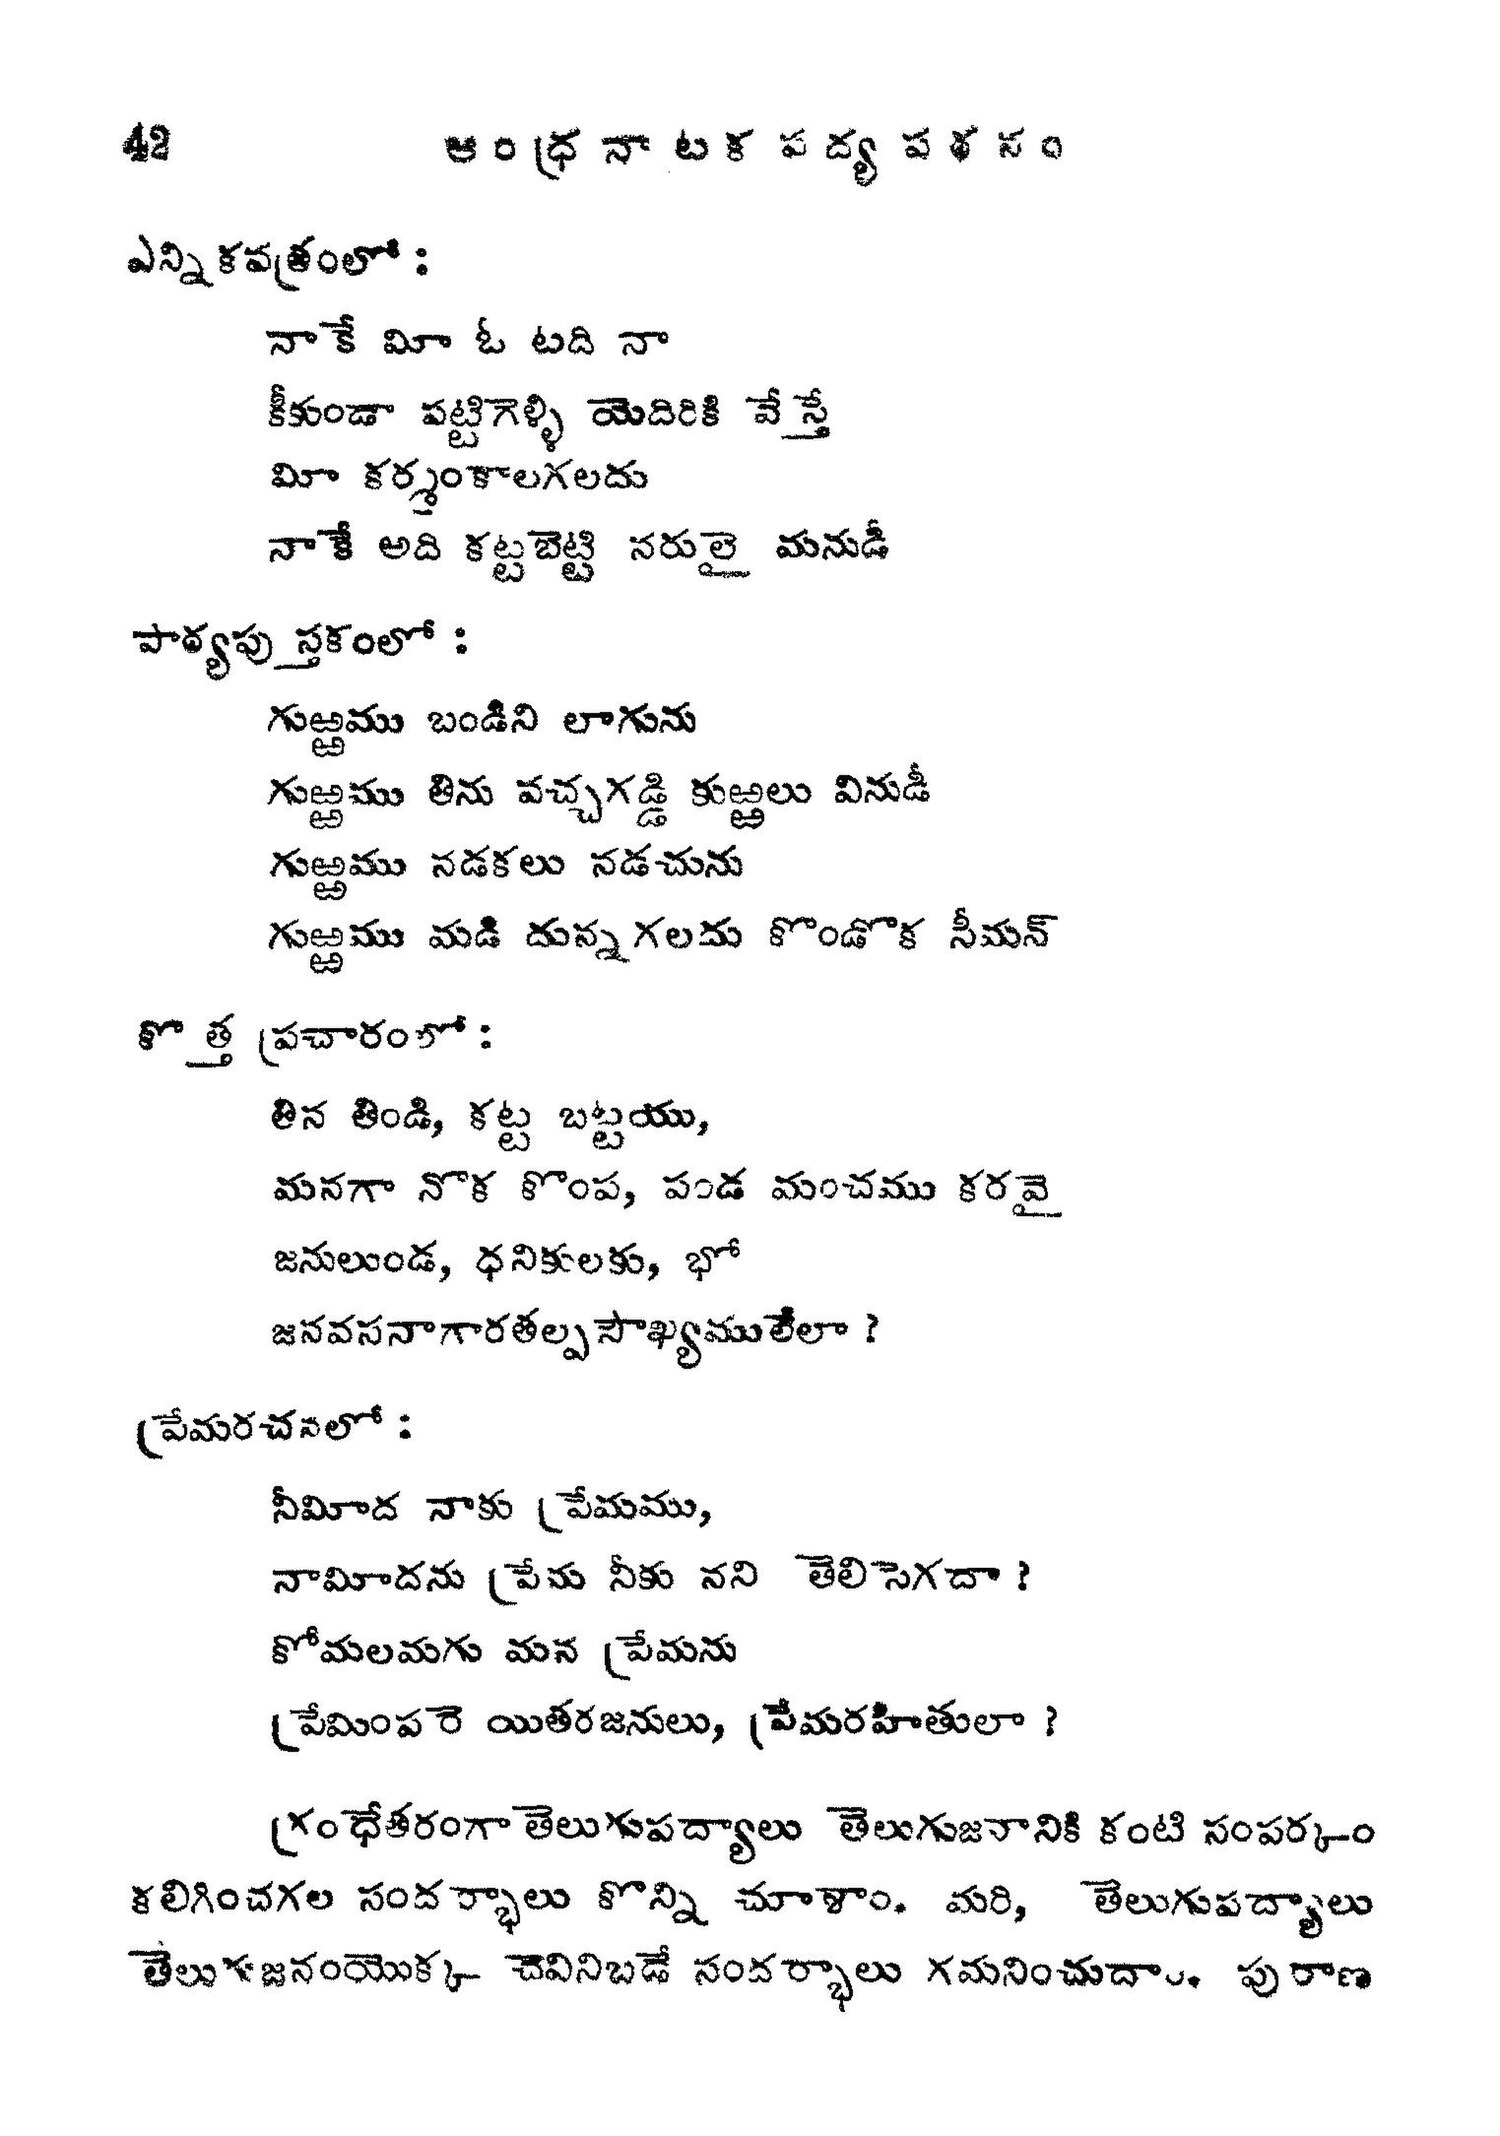ఎన్నికపత్రంలో:

నాకే మీ ఓ టది నా
కీకుండా పట్టిగెళ్ళి యెదిరికి వేస్తే
మీ కర్మంకాలగలదు
నాకే అది కట్టబెట్టి నరులై మనుడీ

పాఠ్యపుస్తకంలో :

గుఱ్ఱము బండిని లాగును
గుఱ్ఱము తిను పచ్చగడ్డి కుఱ్ఱలు వినుడీ
గుఱ్ఱము నడకలు నడచును
గుఱ్ఱము మడి దున్నగలదు కొండొక సీమన్

కొత్త ప్రచారంలో :

తిన తిండి, కట్ట బట్టయు,
మనగా నొక కొంప, పండ మంచము కరవై
జనులుండ, ధనికులకు, భో
జనవసనాగారతల్పసౌఖ్యములేలా ?

ప్రేమరచనలో :

నీమీద నాకు ప్రేమము,
నామీదను ప్రేమ నీకు నని తెలిసెగదా !
కోమలమగు మన ప్రేమను
ప్రేమింపరె యితరజనులు, ప్రేమరహితులా ?

గ్రంధేతరంగా తెలుగుపద్యాలు తెలుగుజనానికి కంటి సంపర్కం
కలిగించగల సందర్భాలు కొన్ని చూశాం. మరి, తెలుగుపద్యాలు
తెలుగుజనంయొక్క చెవినిబడే సందర్భాలు గమనించుదాం. పురాణ